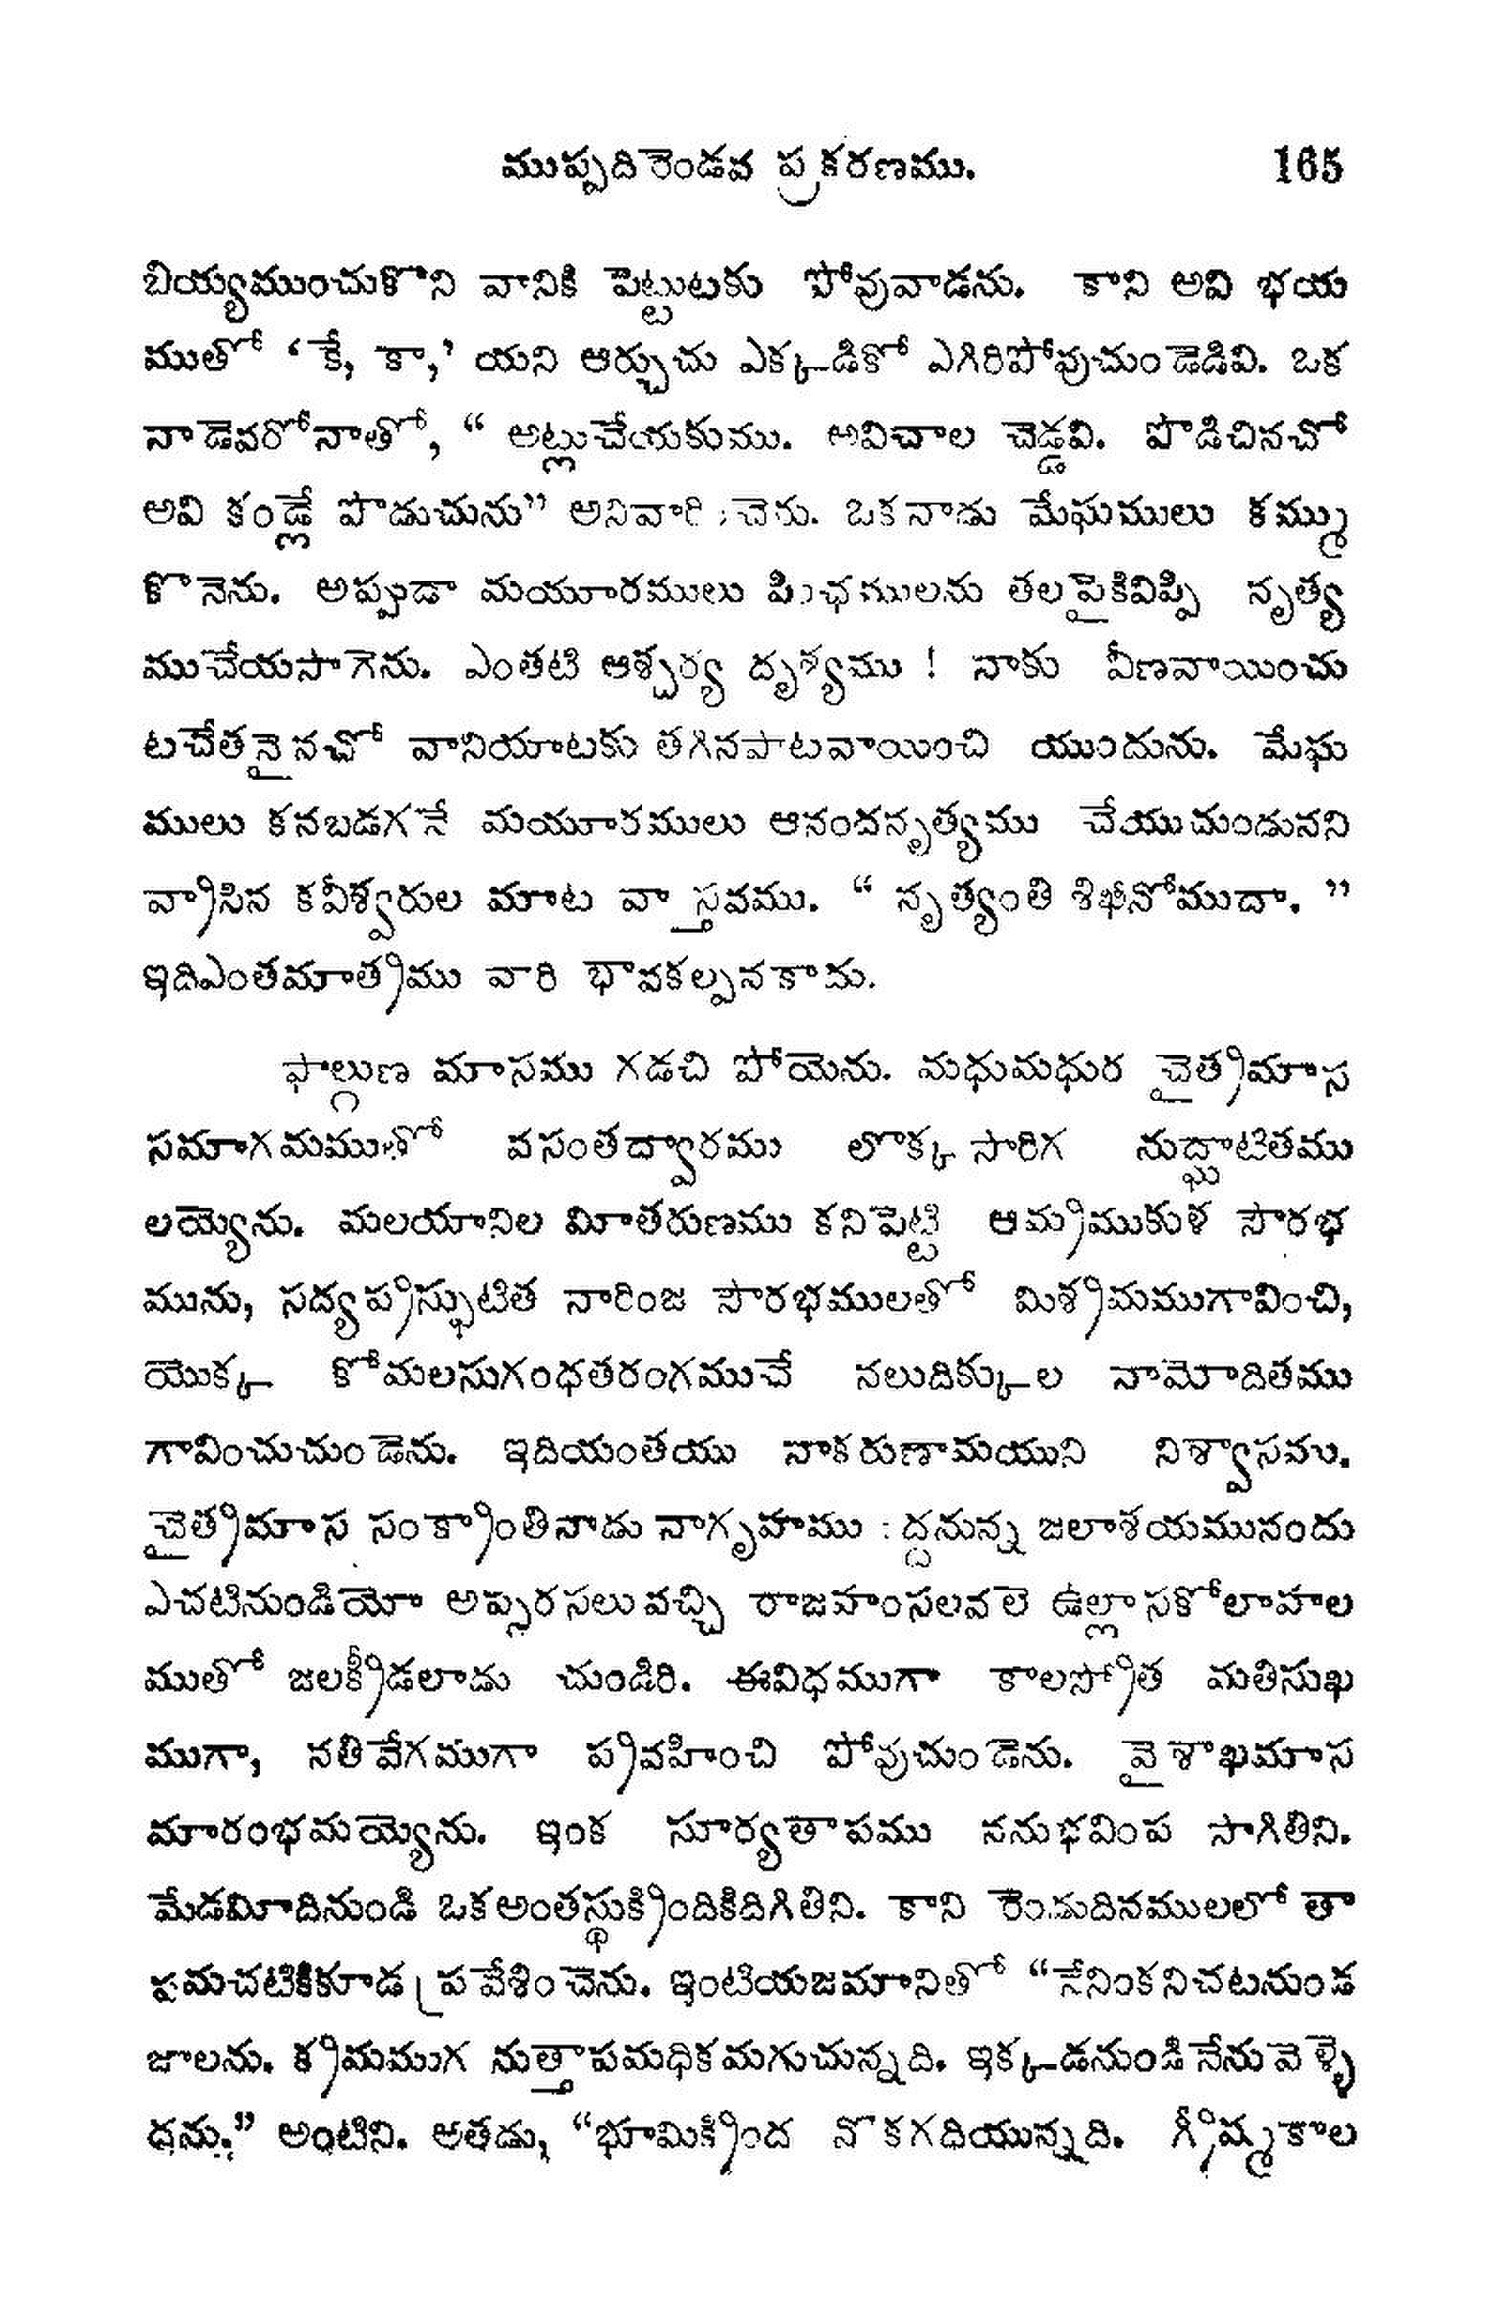బియ్యముంచుకొని వానికి పెట్టుటకు పోవువాడను. కాని అవి భయ
ముతో “ కే, 'కా,' యని ఆర్చుచు ఎక్కడికో ఎగిరిపోవుచుండెడివి. ఒక
నాడెవరోనాతో, “ అట్లు చేయకుము. అవిచాల చెడ్డవి. పొడిచినచో
అవి కండ్లే పొడుచును” అనివారించెను. ఒక నాడు మేఘములు కమ్ము
కొనెను. అప్పుడా మయూరములు పీఛములను తలపైకి విప్పి నృత్య
ము చేయసాగెను. ఎంతటి ఆశ్చర్య దృశ్యము ! నాకు వీణవాయించు
టచేత నైనచో నానియాటకు తగినపాటవాయించి యుందును. మేఘ
ములు కనబడగనే మయూరములు ఆనందనృత్యము చేయు చుండునని
వ్రాసిన కవీశ్వరుల మాట వాస్తవము. " నృత్యంతి శిఖినోముదా,
ఇది ఎంతమాత్రము వారి భావకల్పన కాదు.

ఫాల్గుణ మాసము గడచి పోయెను. మధుమధుర చైత్ర మాస
సమాగమములో వసంత ద్వారము లొక్క సారిగ నుద్ఘాటితము
లయ్యెను. మలయానిల మీతరుణము కనిపెట్టి ఆంరముకుళ సౌరభ
మును, సద్య ప్రస్ఫుటిత నారింజ సౌరభములతో మిశ్రమముగావించి,
యొక్క కోమలసుగంధ తరంగముచే నలుదిక్కుల నామోదితము
గావించు చుండెను. ఇదియంతయు నాకరుణామయుని నిశ్వాసము.
చైత్రమాస సంక్రాంతి నాడు నాగృహము :వద్దనున్న జలాశయమునందు
ఎచటినుండియో అప్సరసలు వచ్చి రాజహంసలవలె ఉల్లాసకోలాహల
ముతో జలక్రీడలాడు చుండిరి. ఈవిధముగా కౌలశ్రోత మతిసుఖ
ముగా, నతీ వేగముగా ప్రవహించి పోవుచుండెను. వైశాఖమాస
మారంభమయ్యెను. ఇంక సూర్యతాపము ననుభవింప సాగితిని.
మేడమీదినుండి ఒక అంతస్థు కిందికి దిగితిని. కాని రెండుదినములలో తాప
మచటికికూడ ప్రవేశించెను. ఇంటి యజమానితో " నేనింక నిచటనుండ
జాలను. క్రమముగ నుత్తాపమధికమగుచున్నది. ఇక్కడనుండి నేను వెళ్లె
ధను.” అంటిని. అతడు, “భూమికింద నొకగదియున్నది. గీష్మకాల